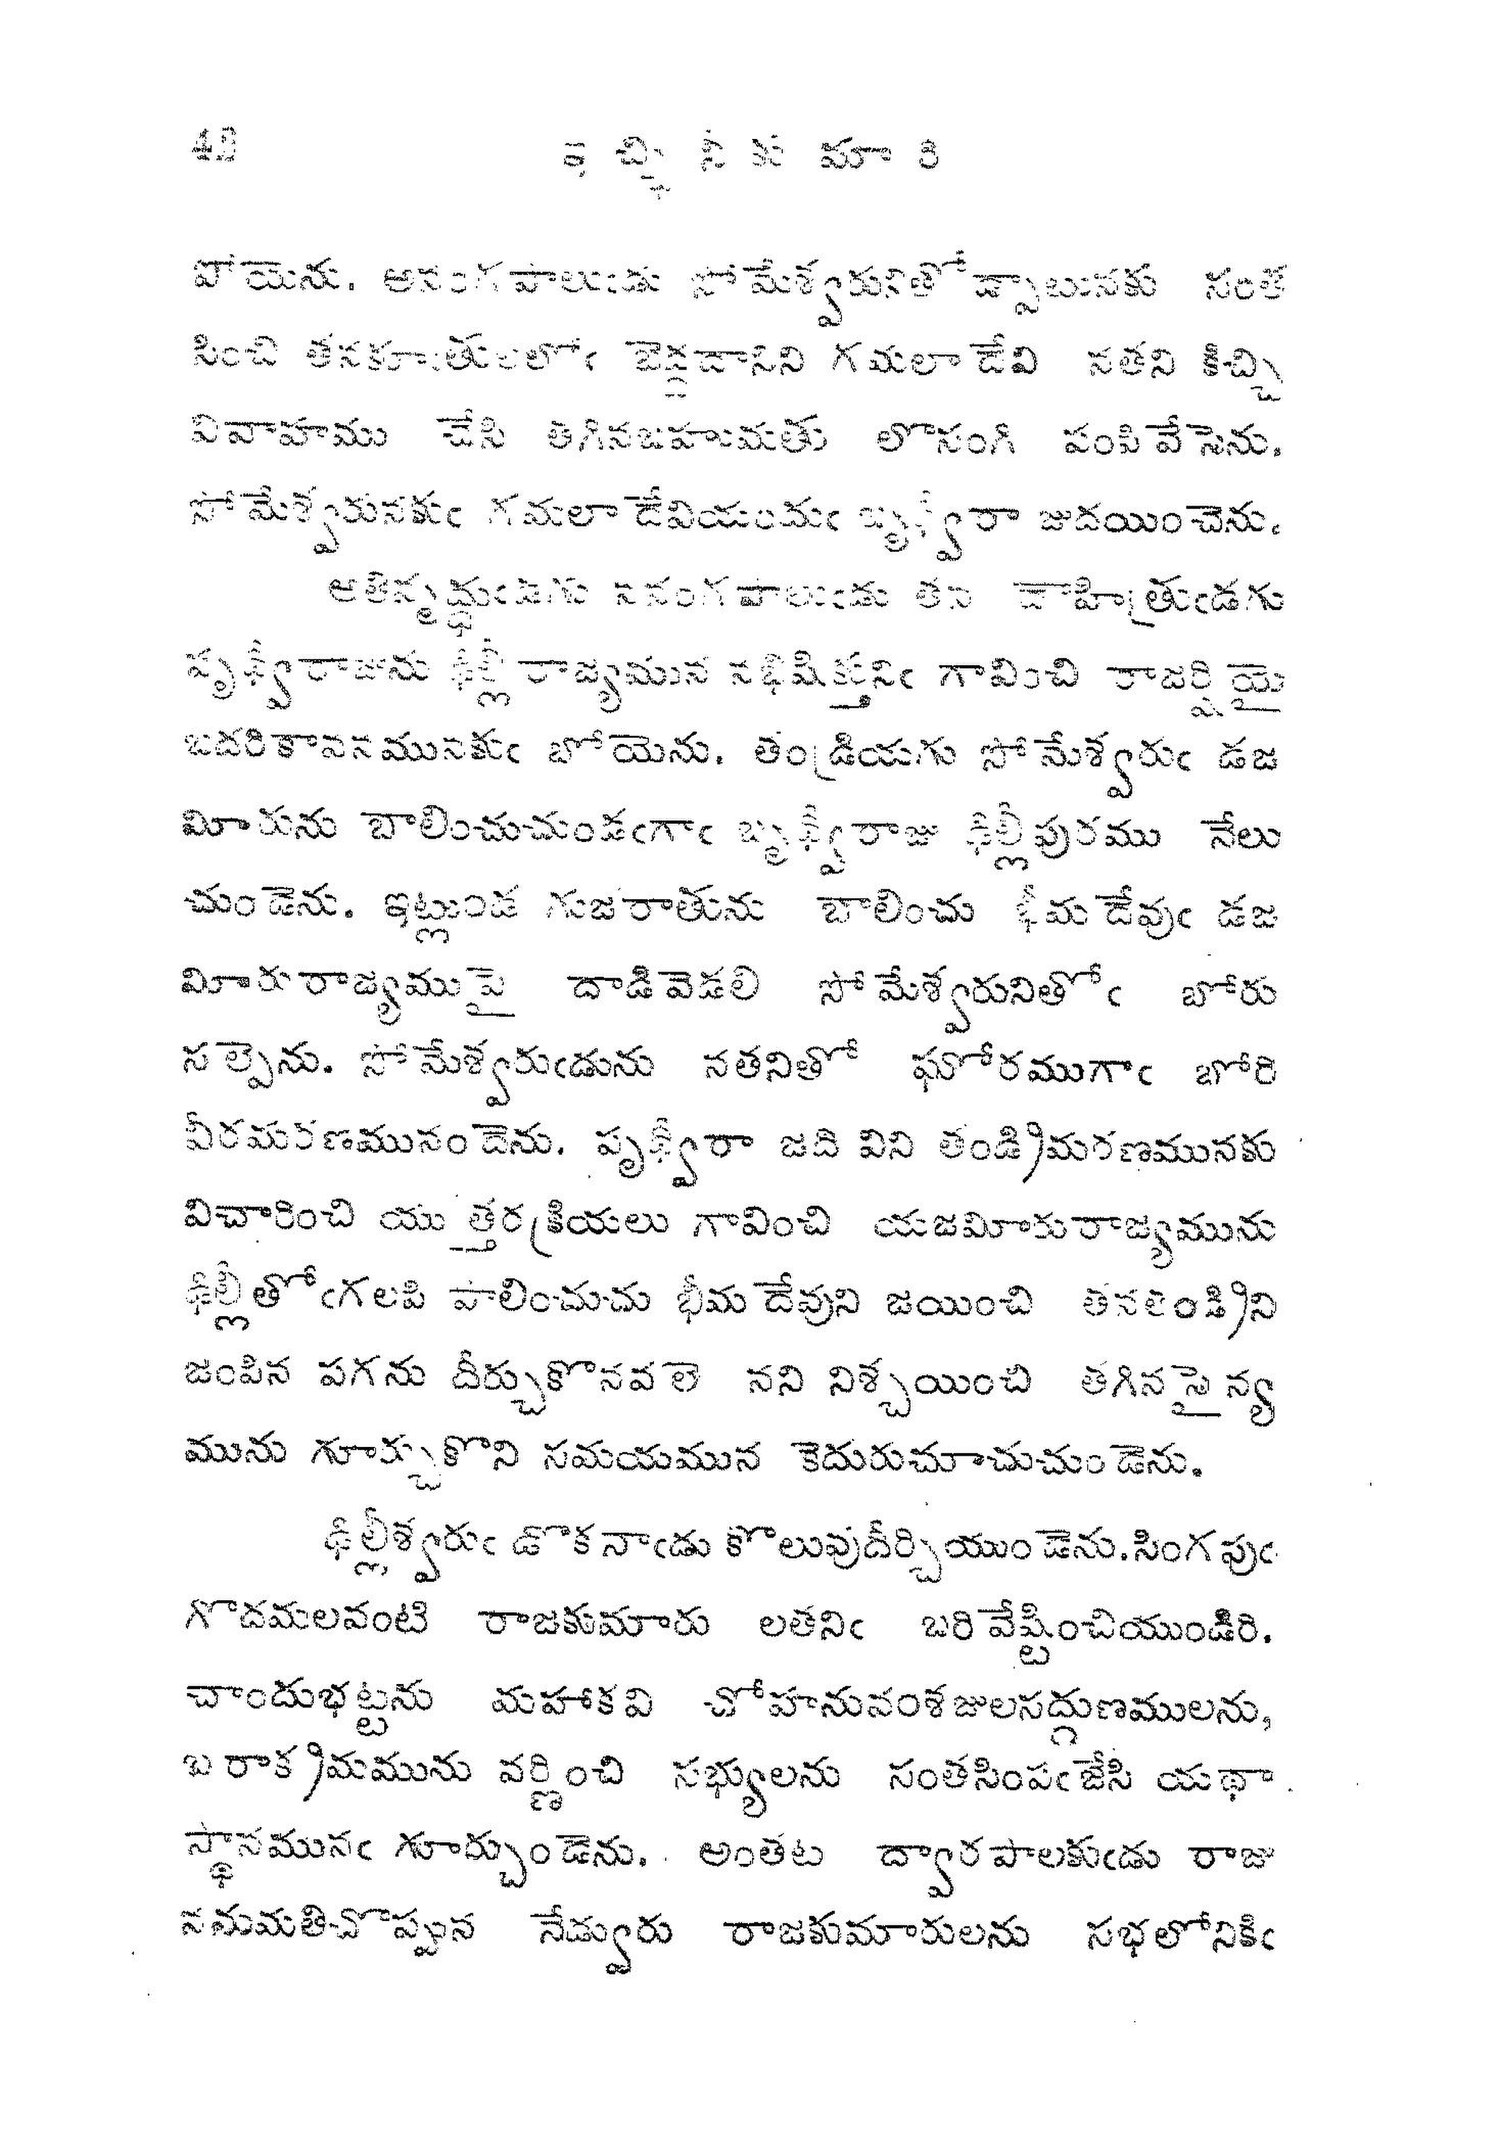పోయెను. ఆనందపాలుడు సో మేశ్వరుని తో డ్పాటునకు సంత సించి తనకూ తులలో : బెద్దదానిని గమలా డేవి నతని కిచ్చి వివాహము చేసి తన బహుమతు లొసంగి పంపి వేసెను, సోమేశ్వరునకు గమలా దేవియుము. స్వరా జుదయించెను,

ఆతి వృద్దుడగు ననంగ పాలుడు తన 'దౌహిత్రుఁడగు వృద్వీరాజును రాజ్యమున సభషిక్తునిఁ గావించి రాజర్షి యై బదరికాననమునకుఁ బోయెను. తండ్రియగు సోమేశ్వరుఁ డజ మీరును బాలించుచుండఁగాఁ బృద్వీరాజుడిల్లీ పురము నేలు చుండెను. ఇట్లుండ గుజరాతును బాలించు బీమ డవుఁ డజ మీరు రాజ్యము పై దాడి వెడలి సోమేశ్వరునితోఁ బోరు సల్పెను. సోమేశ్వరుఁడును నతనితో ఘోరముగాఁ బోరి వీర మరణమునందెను. పృద్వీవరాజది విని తండ్రి మరణమునకు విచారించి యుత్తరక్రియలు గావించి యజమీరు రాజ్యమును డిల్లీతోఁగలపి పాలించుచు భీమ దేవుని జయించి తనతండ్రిని జంపిన పగను దీర్చుకొనవలె నని నిశ్చయించి తగిన సైన్య మును గూర్చుకొని సమయమున 'కేదురు చూచుచుండెను. ఢిల్లీశ్వరుఁ డొక నాఁడు కొలువు దీర్చియుండెను. సింగపుఁ గొడమలవంటి రాజకుమారు లతని బరి వేష్టించి యుండిరి, చాందుభట్టను మహాకవి చోహనునంశజుల సద్గుణములను, ఖురాళమమును వర్ణించి సభ్యులను సంతసింపఁ జేసి యుథా, స్థానమునఁ గూర్చుండెను. అంతట ద్వార పాలకుఁడు రాజు ననుమతి చొప్పున నేడ్వురు రాజకుమారులను సభలోనికి
వర్గం: